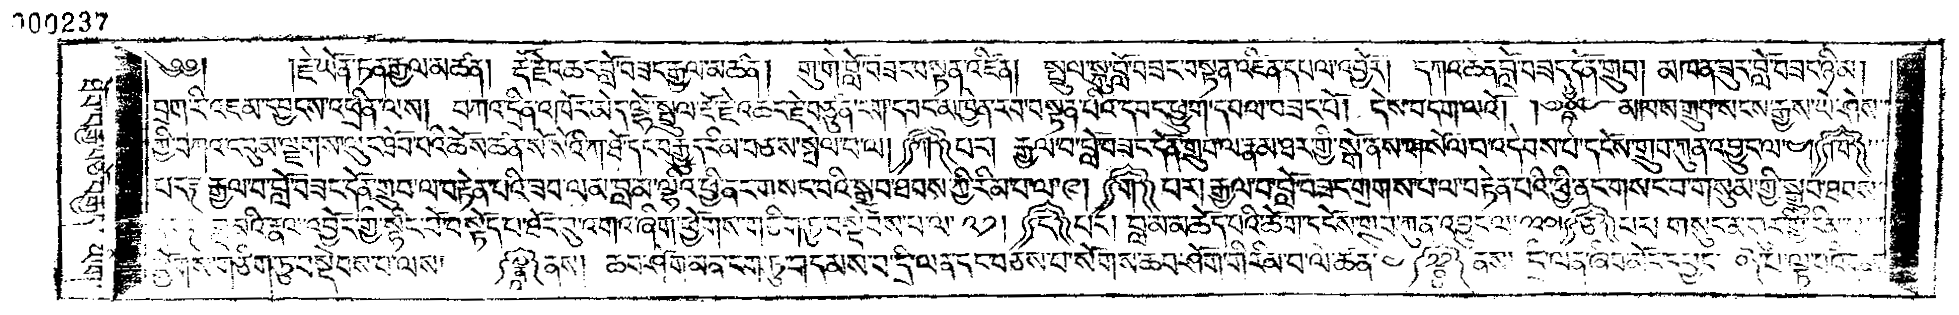༄༅། །རྗེ་ཡོན་ཏན་རྒྱལ་མཚན། རྡོ་རྗེ་འཆང་བློ་བཟང་རྒྱལ་མཚན། གུ་གེ་བློ་བཟང་བསྟན་འཛིན། སྤྲུལ་སྐུ་བློ་བཟང་བསྟན་འཛིན་དཔལ་འབྱོར། དཀའ་ཆེན་བློ་བཟང་དོན་གྲུབ། མཁན་ཟུང་བློ་བཟང་ཉི་མ།
བྲག་རི་འཇམ་དབྱངས་འཕྲིན་ལས། བཀའ་དྲིན་འཁོར་མེད་ལྷོ་སྤྲུལ་རྡོ་རྗེ་འཆང་རྗེ་བཙུན་ངག་དབང་མཁྱེན་རབ་བསྟན་པའི་དབང་ཕྱུག་དཔལ་བཟང་པོ། དེས་བདག་ལའོ། །?  མཁས་གྲུབ་སངས་རྒྱས་ཡེ་ཤེས་
ཀྱི་བཀའ་འབུམ་ལྗགས་ལུང་ཐོབ་པའི་ཆོས་ཚན་སོ་སོའི་ཀ་ཐོ་དང་བརྒྱུད་རིམ་བཅས་སྤེལ་བ་ལ། ༼༽ཀ༼༽ པར། རྒྱལ་བ་བློ་བཟང་དོན་གྲུབ་ལ་རྣམ་ཐར་གྱི་སྒོ་ནས་གསོལ་བ་འདེབས་པ་དངོས་གྲུབ་ཀུན་འབྱུང་ལ ༤། ༼༽ཁ༼༽
པར༑ རྒྱལ་བ་བློ་བཟང་དོན་གྲུབ་ལ་བརྟེན་པའི་ཟབ་ལམ་བླ་མ་ལྷའི་ཕྱི་ནང་གསང་བའི་སྒྲུབ་ཐབས་ཀྱི་རིམ་པ་ལ ༩། ༼༽ག༼༽ པར། རྒྱལ་བ་བློ་བཟང་གྲགས་པ་ལ་བརྟེན་པའི་ཕྱི་ནང་གསང་བ་གསུམ་གྱི་སྒྲུབ་ཐབས་
དང༑ བླ་མའི་རྣལ་འབྱོར་གྱི་སྙིང་པོ་བསྟོད་པ་ཐོར་བུ་འགའ་ཞིག་ཕྱོགས་གཅིག་ཏུ་བསྡེབས་པ་ལ ༢༡། ༼༽ང༼༽ པར། བླ་མ་མཆོད་པའི་ཆོ་ག་དངོས་གྲུབ་ཀུན་འབྱུང་ལ ༣༠། ༼༽ཅ༼༽ པར། གསུང་མགུར་གྱི་རིམ་པ་
ཕྱོགས་གཅིག་ཏུ་བསྡེབས་པ་ལས། ༼༧ན༢༽ ནས། ཆབ་ཤོག་མན་ངག་ཏུ་གདམས་པ་དྲི་ལན་དང་བཅས་པ་སོགས་ཆབ་ཤོག་གི་རིམ་པ་ལེ་ཚན ༤ ༼༡༡ན༥༽ ནས། དྲི་ལན་ཞིབ་མོར་དཔྱད་྾་པ་ལྟ་བའི་གནད་